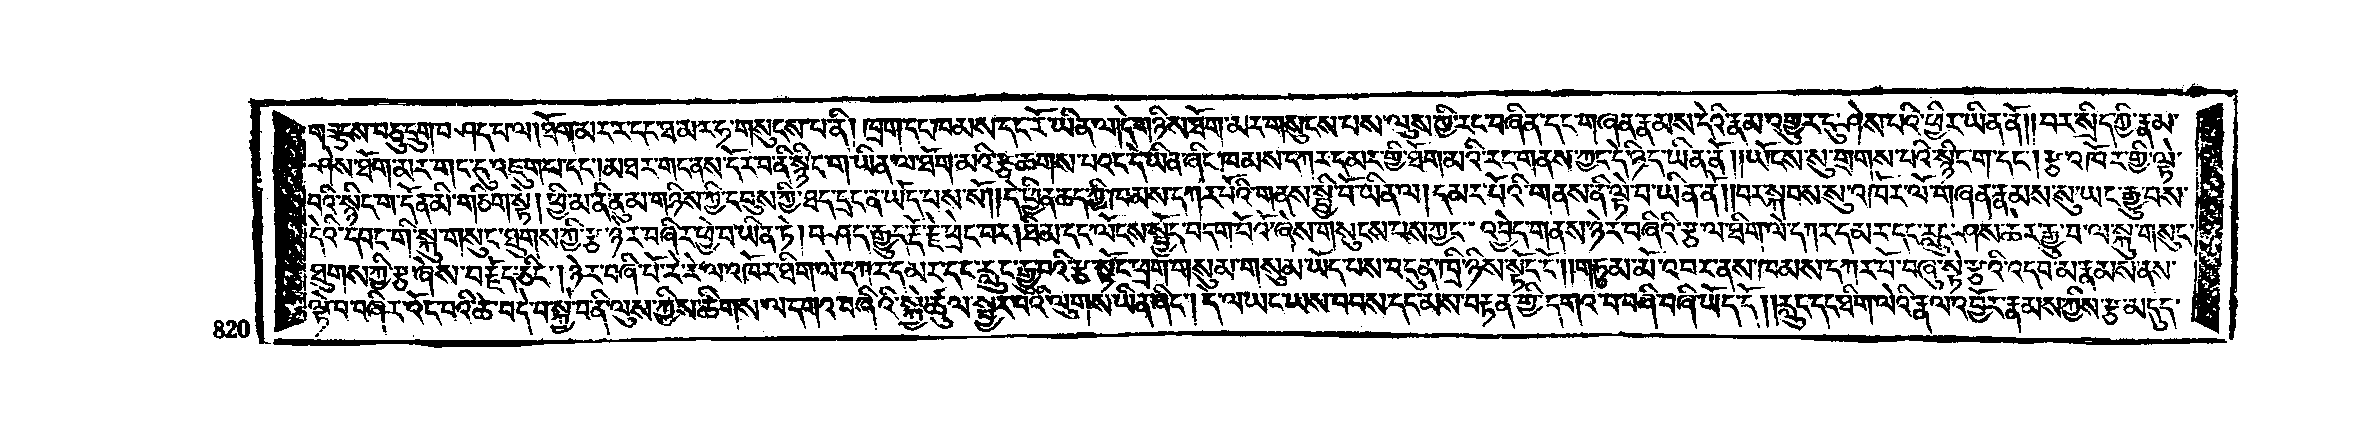གཟུངས་བཅུ་དྲུག་བཤད་པ་ལ། ཐོག་མར་ར་དང་ཐ་མར་ཧ་གསུངས་པ་ནི། ཁྲག་དང་ཁམས་དང་རོ་ཡིན་ལ། དེ་གཉིས་ཐོག་མར་གསུངས་པས་ལུས་ཀྱི་རང་བཞིན་དང་གཞན་རྣམས་དེའི་རྣམ་འགྱུར་དུ་ཤེས་པའི་ཕྱིར་ཡིན་ནོ། །བར་སྲིད་ཀྱི་རྣམ་
ཤེས་ཐོག་མར་གང་དུ་འཇུག་པ་དང་། མཐར་གང་ནས་དོར་བ་ནི་སྙིང་ག་ཡིན་ལ་ཐོག་མའི་རྩ་ཆགས་པའང་དེ་ཡིན་ཞིང་ཁམས་དཀར་དམར་གྱི་ཐོག་མའི་རང་གནས་ཀྱང་དེ་ཉིད་ཡིན་ནོ། །ཡོངས་སུ་གྲགས་པའི་སྙིང་ག་དང་། རྩ་འཁོར་གྱི་ལྟེ་
བའི་སྙིང་ག་དོན་མི་གཅིག་སྟེ། ཕྱི་མ་ནི་ནུ་མ་གཉིས་ཀྱི་དབུས་ཀྱི་ཐད་དྲང་ན་ཡོད་པས་སོ། །དེ་ཕྱིན་ཆད་ཀྱི་ཁམས་དཀར་པོའི་གནས་སྤྱི་བོ་ཡིན་ལ། དམར་པོའི་གནས་ནི་ལྟེ་བ་ཡིན་ནོ། །བར་སྐབས་སུ་འཁོར་ལོ་གཞན་རྣམས་སུ་ཡང་རྒྱུ་བས་
དེའི་དབང་གི་སྐུ་གསུང་ཐུགས་ཀྱི་རྩ་ཉེར་བཞིར་ཕྱེ་བ་ཡིན་ཏེ། བཤད་རྒྱུད་རྡོ་རྗེ་ཕྲེང་བར། ཐིམ་དང་ལོངས་སྤྱོད་བདག་པོའོ་ཞེས་གསུངས་པས་ཀྱང་འབྱེད་གནས་ཉེར་བཞིའི་རྩ་ལ་ཐིག་ལེ་དཀར་དམར་དང་རླུང་ཤས་ཆེར་རྒྱུ་བ་ལ་སྐུ་གསུང་
ཐུགས་ཀྱི་རྩ་ཞེས་བརྗོད་ཅིང་། ཉེར་བཞི་པོ་རེ་རེ་ལ་འཁོར་ཐིག་ལེ་དཀར་དམར་དང་རླུང་རྒྱུ་བའི་རྩ་སྟོང་ཕྲག་གསུམ་གསུམ་ཡོད་པས་བདུན་ཁྲི་ཉིས་སྟོང་ངོ། །གཏུམ་མོ་འབར་ནས་ཁམས་དཀར་པོ་བཞུ་སྟེ་རྩའི་འདབ་མ་རྣམས་ནས་
ལྟེ་བ་བཞིར་འོང་བའི་ཆེ་བདེ་བ་སྐྱེ་བ་ནི་ལུས་ཀྱིས་ཚིགས་ལ་དགའ་བཞིའི་སྐྱེ་ཚུལ་སྦྱར་བའི་ལུགས་ཡིན་ཞིང་། དེ་ལ་ཡང་ཡས་བབས་དང་མས་བརྟན་གྱི་དགའ་བ་བཞི་བཞི་ཡོད་དོ། །རླུང་དང་ཐིག་ལེའི་རྣལ་འབྱོར་རྣམས་ཀྱིས་རྩ་མདུད་